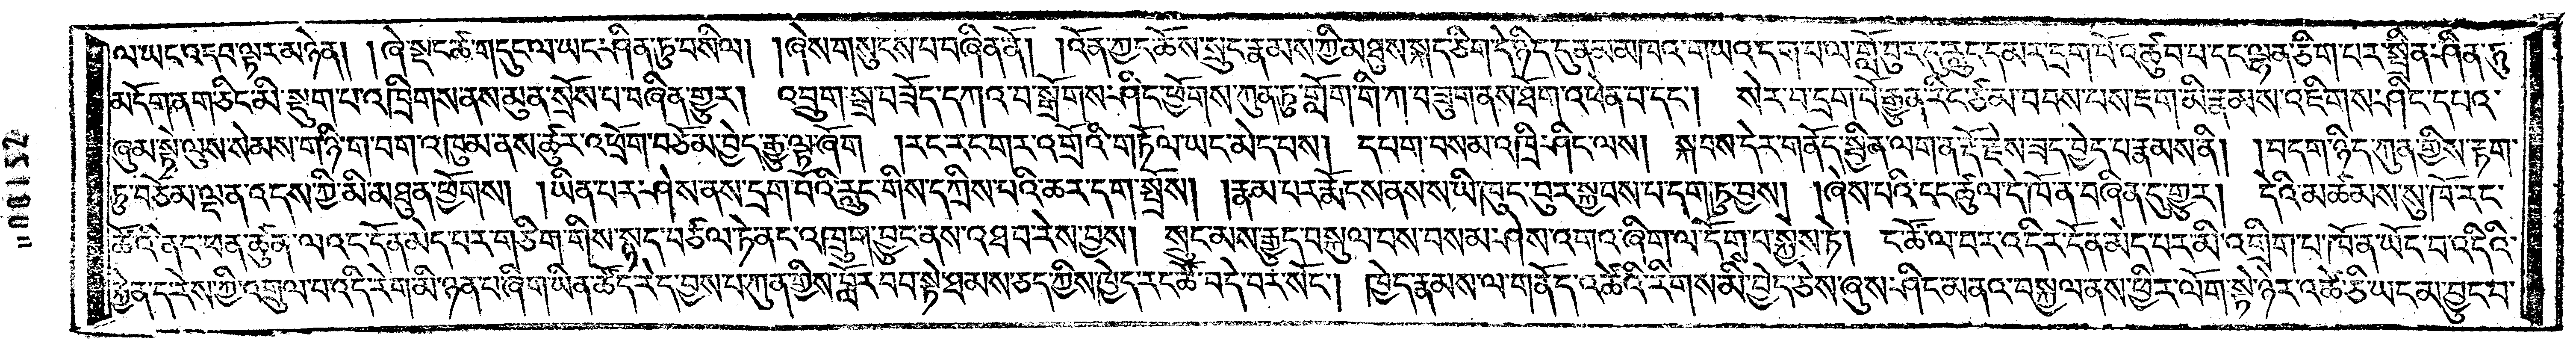ལ་ཡང་འདབ་ལྟར་མཉན། །ཞེ་སྡང་ཚ་གདུང་ལ་ཡང་ཤིན་ཏུ་བསིལ། །ཞེས་གསུངས་པ་བཞིན་ནོ། །འོན་ཀྱང་ཆོས་སྲུང་རྣམས་ཀྱི་མཐུས་སྐད་ཅིག་དེ་ཉིད་དུ་ནམ་མཁའ་གཡའ་དག་པ་ལ་གློ་བུར་དུ་རླུང་དམར་དྲག་པོ་འཚུབ་པ་དང་ལྷན་ཅིག་པར་སྤྲིན་ཤིན་ཏུ་
མདོག་ནག་ཅིང་མི་སྡུག་པ་འཁྲིགས་ནས་མུན་སྲོས་པ་བཞིན་གྱུར། འབྲུག་སྒྲ་བཟོད་དཀའ་བ་སྒྲོགས་ཤིང་ཕྱོགས་ཀུན་ཏུ་གློག་གི་ཀ་བ་ཟུག་ནས་ཐོག་འཕེན་པ་དང་། སེར་བ་དྲག་པོ་རྒྱུན་རིང་ཙམ་བབས་པས་ཇག་མི་རྣམས་འཇིགས་ཤིང་དཔའ་
ཞུམ་སྟེ་ལུས་སེམས་གཉི་ག་བག་འཁུམ་ནས་ཚུར་འཕྲོག་བཅོམ་བྱེད་རྒྱུ་ལྟ་ཞོག །རང་རང་གར་འགྲོའི་གཏོལ་ཡང་མེད་པས། དབག་བསམ་འཁྲི་ཤིང་ལས། སྐབས་དེར་གནོད་སྦྱིན་ལག་ན་རྡོ་རྗེས་ཟད་བྱེད་པ་རྣམས་ནི། །བདག་ཉིད་ཀུན་གྱིས་རྟག་
ཏུ་བཅོམ་ལྡན་འདས་ཀྱི་མི་མཐུན་ཕྱོགས། །ཡིན་པར་ཤེས་ནས་དྲག་བོའི་རླུང་གིས་དཀྲིས་པའི་ཆར་དག་སྤྲོས། །རྣམ་པར་རྨོངས་ནས་ས་ཡི་ཁུང་བུར་སྐྱབས་པ་དག་ཏུ་བྱས། །ཞེས་པའི་དང་ཚུལ་དེ་ཁོ་ན་བཞིན་དུ་གྱུར། དེའི་མཚམས་སུ་ཁོ་རང་
ཚོའི་ནང་ཕན་ཚུན་ལའང་དོན་མེད་པར་གཅིག་གིས་སྙད་བཙལ་ཏེ་ནང་འཁྲུག་བྱུང་ནས་འཐབ་རེས་བྱས། སྲུང་མས་རྒྱུད་བསྐུལ་བས་བསམ་ཤེས་འགའ་ཞིག་ལ་དོགས་པ་སྐྱེས་ཏེ། ང་ཚོལ་བར་འདིར་དོན་མེད་བར་མི་འགྲིག་པ་ཁོ་ན་ཡོང་བ་འདིའི་
རྐྱེན་ད་རེས་ཀྱི་འགྲུལ་པ་འདི་རེག་མི་ཉན་བ་ཞིག་ཡིན་ཚོད་རེད་བྱས་པ་ཀུན་གྱིས་བློར་བབ་སྟེ་ཐམས་ཅད་ཀྱིས་ཁྱེད་རང་ཚོ་བདེ་བར་སོང་། ཁྱེད་རྣམས་ལ་གནོད་འཚེའི་རིགས་མི་བྱེད་ཅེས་ཞུས་ཤིང་མནའ་བསྐྱལ་ནས་ཕྱིར་ལོག་སྟེ་ཉེར་འཚེ་ཅི་ཡང་མ་བྱུང་བ་